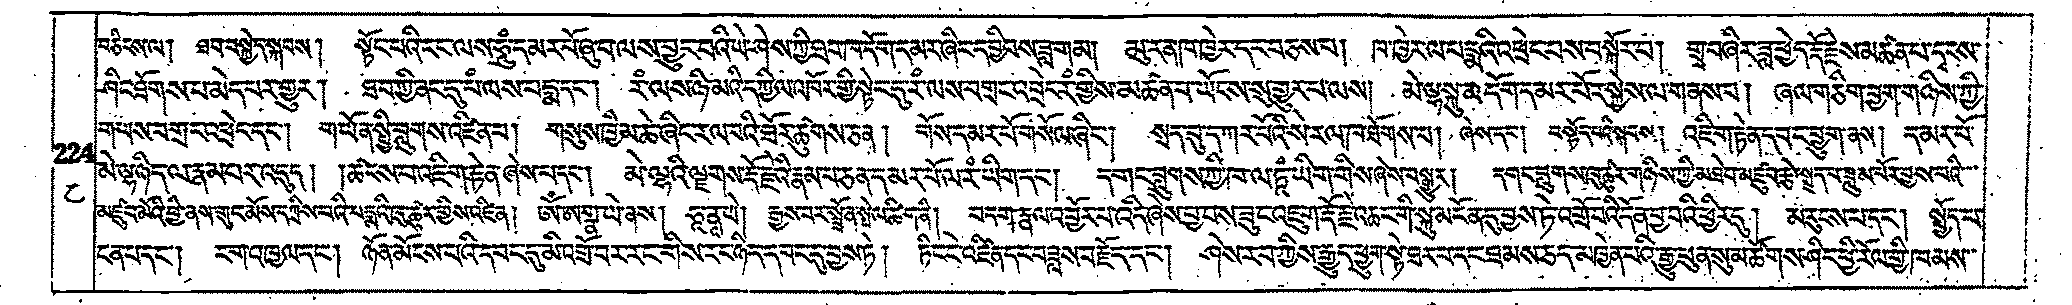བཅིངས་ལ། ཐབ་བསྐྱེད་སྐབས། སྟོང་པའི་ངང་ལས་ཧཱུཾ་དམར་པོ་ཞུ་བ་ལས་བྱུང་བའི་ཡེ་ཤེས་ཀྱི་ཐབ་ཁ་དོག་དམར་ཞིང་དབྱིབས་ཟླ་གམ། མུ་རན་ཁ་ཁྱེར་དང་བཅས་པ། ཁ་ཁྱེར་ལ་པདམའི་འཕྲེང་བས་བསྐོར་བ། གྲྭ་བཞིར་ཟླ་ཕྱེད་རྡོ་རྗེས་མཚན་པ་དྭངས་
ཤིང་ཐོགས་པ་མེད་པར་གྱུར། ཐབ་ཀྱི་ནང་དུ་པཾ་ལས་པདམ་དང་། རཾ་ལས་ཉི་མའི་དཀྱིལ་འཁོར་གྱི་སྟེང་དུ་རཾ་ལས་བགྲང་འཕྲེང་རཾ་གྱིས་མཚན་པ་ཡོངས་སུ་གྱུར་པ་ལས། མེ་ལྷ་སྐུ་མདོག་དམར་པོར་སྐྱེས་ལ་གནས་པ། ཞལ་གཅིག་ཕྱག་གཉིས་ཀྱི་གཡས་བགྲང་འཕྲེང་དང་། གཡོན་སྤྱི་བླུགས་འཛིན་པ། གསུས་ཁྱིམ་ཆེ་ཞིང་རལ་པའི་ཐོར་ཚུགས་ཅན། གོས་དམར་པོ་གསོལ་ཞིང་། སྲད་བུ་དཀར་པོའི་སེ་རལ་ཁ་ཐོགས་པ། ཞེས་དང་། བསྟོད་པའི་སྐབས།  འཇིག་རྟེན་དབང་ཕྱུག་ནས། དམར་པོ་
མེ་ལྷ་ཉིད་ལ་རྣམ་པར་འདུད། །ཚངས་པ་འཇིག་རྟེན་ཞེས་པ་དང་། མེ་ལྷའི་ལྗགས་རྡོ་རྗེའི་རྣམ་པ་ཅན་དམར་པོ་ལ་རཾ་ཡིག་དག། དགང་བླུགས་ཀྱི་ཁ་ལ་ཏཱཾ་ཡིག་གིས་ཞེས་བསྒྱུར། དགང་བླུགས་ཁུ་ཚུར་གཉིས་ཀྱི་མཐེབ་མཛུབ་རྩེ་སྤྲད་པ་ཟླུམ་པོར་བྱས་པའི་་་
མཛུབ་མོའི་ཕྱིན་ནས་གུང་མོས་དཀྲིས་པའི་པདམའི་ཁུ་ཚུར་གྱིས་འཛིན། ཨོཾ་ཨགན་ཡེ་ནས། ཧཱ་ནཱ་ཡེ། རྒྱས་པར་སྤྲོ་ན་སྤེལ་ཚིག་ནི། བདག་རྣལ་འབྱོར་པ་འདི་ཞེས་བྱ་བས་ཟུང་འཇུག་རྡོ་རྗེ་འཆང་གི་སྐུ་མངོན་དུ་བྱས་ཏེ་འགྲོ་བའི་དོན་བྱ་བའི་ཕྱིར་དུ། མ་རུངས་པ་དང་། སྤྱོད་པ་
ངན་པ་དང་། ངག་འཁྱལ་དང་། ཉོན་མོངས་པའི་དབང་དུ་མི་འགྲོ་བར་རང་གིས་རང་ཉིད་དབང་དུ་བྱས་ཏེ། ཏིང་ངེ་འཛིན་དང་བཟླས་བརྗོད་དང་། ཤེས་རབ་ཀྱིས་རྒྱུད་ཕྱུག་སྟེ་ཐར་པ་དང་ཐམས་ཅད་མཁྱེན་པའི་རྒྱུ་ཕུན་སུམ་ཚོགས་ཤིང་ཕྱི་རོལ་གྱི་ཁམྶ་་་